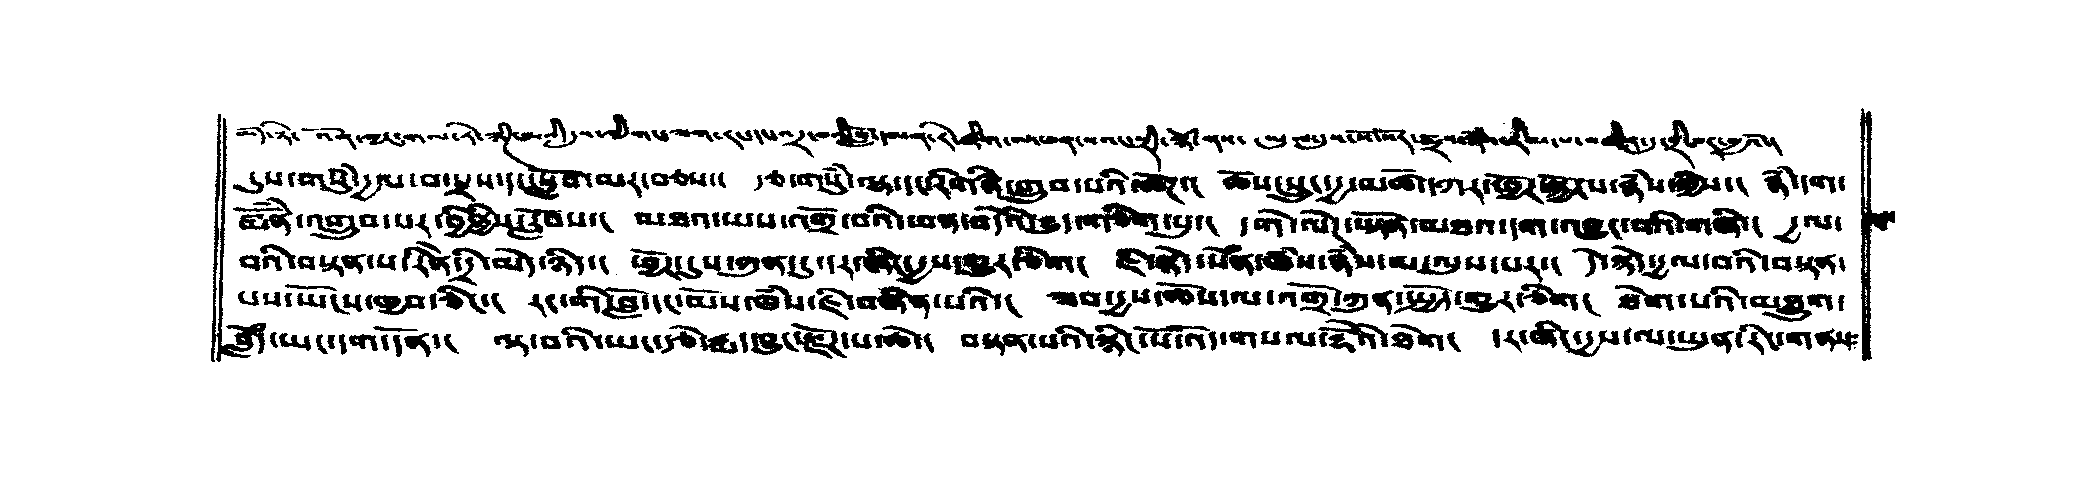མོད་སྟེ། འོན་ཀྱང་གལ་ཏེ་སྙིགས་མའི་དུས་ཀྱི་གང་ཟག་རང་དང་འདྲ་བའི་བློ་དམན་རེ་ཞིག་ལ་ཕན་པའང་སྲིད་སྙམ་ནས། ཡུལ་དུས་སོ་སོར་སྨྲས་པ་རྣམས་རིམ་པ་བཞིན་དུ་བྲི་བར་བྱའོ།། 
དུས་གསུམ་རྒྱལ་བ་སྲས་དང་སློབ་མར་བཅས། །རྩ་གསུམ་ལྷ་དང་རིག་འཛིན་གྲུབ་པའི་ཚོགས། །ཆོས་སྲུང་རྒྱ་མཚོ་དཀར་ཕྱོགས་སྐྱོང་རྣམས་ཀྱིས། །རྣམ་དག་
སྨོན་ལམ་འགྲུབ་པར་བྱིན་གྱིས་རློབས། །མཐའ་ཡས་འགྲོ་བའི་ཕན་བདེའི་རྒྱུ་གཅིག་པུ། །དགེ་ལེགས་ཡོན་ཏན་མཐའ་དག་འབྱུང་བའི་གཞི། །རྒྱལ་
བའི་བསྟན་པ་རིན་ཆེན་དྲི་མེད་ཉིད། །ཕྱོགས་དུས་ཀུན་ཏུ་དར་ཞིང་རྒྱས་གྱུར་ཅིག།ཇི་སྙེད་སེམས་ཅན་ཁམས་རྣམས་མ་ལུས་པར། །དེ་སྙེད་རྒྱལ་བའི་བསྟན་
པས་ཡོངས་ཁྱབ་ཅིང་། །རང་གི་བློ་དང་མོས་ཁམས་ཇི་བཞིན་པའི། །ཟབ་རྒྱས་ཆོས་ལ་འགྲོ་ཀུན་སྤྱོད་གྱུར་ཅིག །ཐེག་པའི་མཐར་ཐུག་
བླ་མེད་ཡང་དག་དོན། །ལྟ་བའི་ཡང་རྩེ་རྨད་བྱུང་རྫོགས་པ་ཆེ། །བསྟན་པའི་སྙིང་པོ་འོད་གསལ་རྡོ་རྗེའི་ཐེག །དར་ཞིང་རྒྱས་ལ་ཡུན་རིང་གནས་